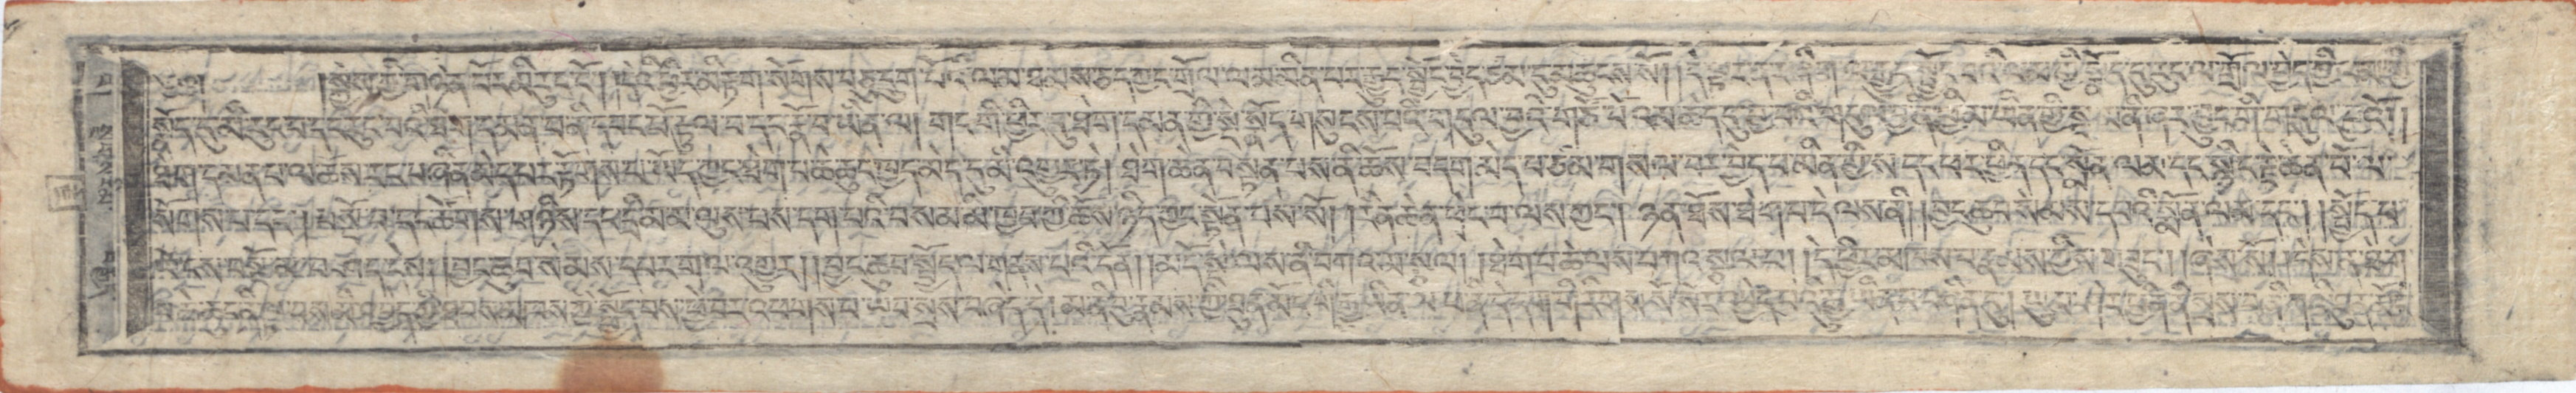༄༅། །སྐྱེས་ཀྱི་གཉེན་པོར་མི་རུང་ངོ། །དེའི་ཕྱིར་མི་རྟག་སོགས་བཅུ་དྲུག་པོའི་ལམ་ཐམས་ཅད་ཀྱང་གྲོལ་ལམ་མིན་པར་རྒྱུད་སྦྱོང་བྱེད་ཙམ་དུ་མཚུངས་སོ། །དེ་ལྟར་ན་རེ་ཞིག་ལ་རྒྱུད་སྦྱོང་བའི་ལམ་གྱི་སྣོད་དུ་རུང་ལ་གྲོལ་བྱེད་ཀྱི་ལམ་གྱི་
སྣོད་དུ་མི་རུང་བ་དང་རུང་བའི་ཐེག་དམན་པ་ནི་དབང་པོ་རྟུལ་བ་དང་རྣོ་བ་ཡིན་ལ། གང་གི་ཕྱིར་དུ་ཐེག་དམན་གྱི་སྡེ་སྣོད་གསུངས་པའི་གདུལ་བྱའི་གཙོ་པོའམ་ཆེད་དུ་བྱ་བའི་གདུལ་བྱ་ནི་ཕྱི་མ་ཡིན་གྱི་སྔ་མ་ནི་ཞར་བྱུང་གི་གདུལ་བྱའོ། །
ཐེག་དམན་པ་ལ་ཆོས་རང་བཞིན་མེད་པར་རྟོགས་པ་ཡོད་ཀྱང་ཐེག་པ་ཆེ་ཆུང་ཁྱད་མེད་དུ་མི་འགྱུར་ཏེ། ཐེག་ཆེན་བསྟན་པས་ནི་ཆོས་བདག་མེད་པ་ཙམ་གསལ་བར་བྱེད་པ་མིན་གྱི་ས་དང་ཕར་ཕྱིན་དང་སྨོན་ལམ་དང་སྙིང་རྗེ་ཆེན་པོ་ལ་
སོགས་པ་དང་། བསྔོ་བ་དང་ཚོགས་གཉིས་དང་དྲི་མ་མ་ལུས་པས་དག་པའི་བསམ་མི་ཁྱབ་ཀྱི་ཆོས་ཉིད་ཀྱང་སྟོན་པས་སོ། །རིན་ཆེན་ཕྲེང་བ་ལས་ཀྱང་། ཉན་ཐོས་ཐེག་པ་དེ་ལས་ནི། །བྱང་ཆུབ་སེམས་དཔའི་སྨོན་ལམ་དང་། །སྤྱོད་པ་
ཡོངས་བསྔོ་མ་བཤད་དེས། །བྱང་ཆུབ་སེམས་དཔར་ག་ལ་འགྱུར། །བྱང་ཆུབ་སྤྱོད་ལ་གནས་པའི་དོན། །མདོ་སྡེ་ལས་ནི་བཀའ་མ་སྩལ། །ཐེག་པ་ཆེ་ལས་བཀའ་སྩལ་པ། །དེ་ཕྱིར་མཁས་པ་རྣམས་ཀྱིས་གཟུང་། །ཞེས་སོ། །དེས་ན་ཐེག་
པ་ཆེ་ཆུང་ནི་ལྟ་བས་མི་འབྱེད་ཀྱི་ཐབས་མཁས་ཀྱི་སྤྱོད་པས་ཕྱེ་བར་འཕགས་པ་ཡབ་སྲས་བཞེད་དེ། མ་ནི་བུ་རྣམས་ཀྱི་ཐུན་མོང་གི་རྒྱུ་ཡིན་ལ་ཕ་ནི་དེ་དག་གི་རིགས་སོ་སོར་འབྱེད་པའི་རྒྱུ་ཡིན་པ་བཞིན་དུ། ཡུམ་ཤེར་ཕྱིན་ནི་སྲས་བཞི་ཀའི་ཐུན་མོང་